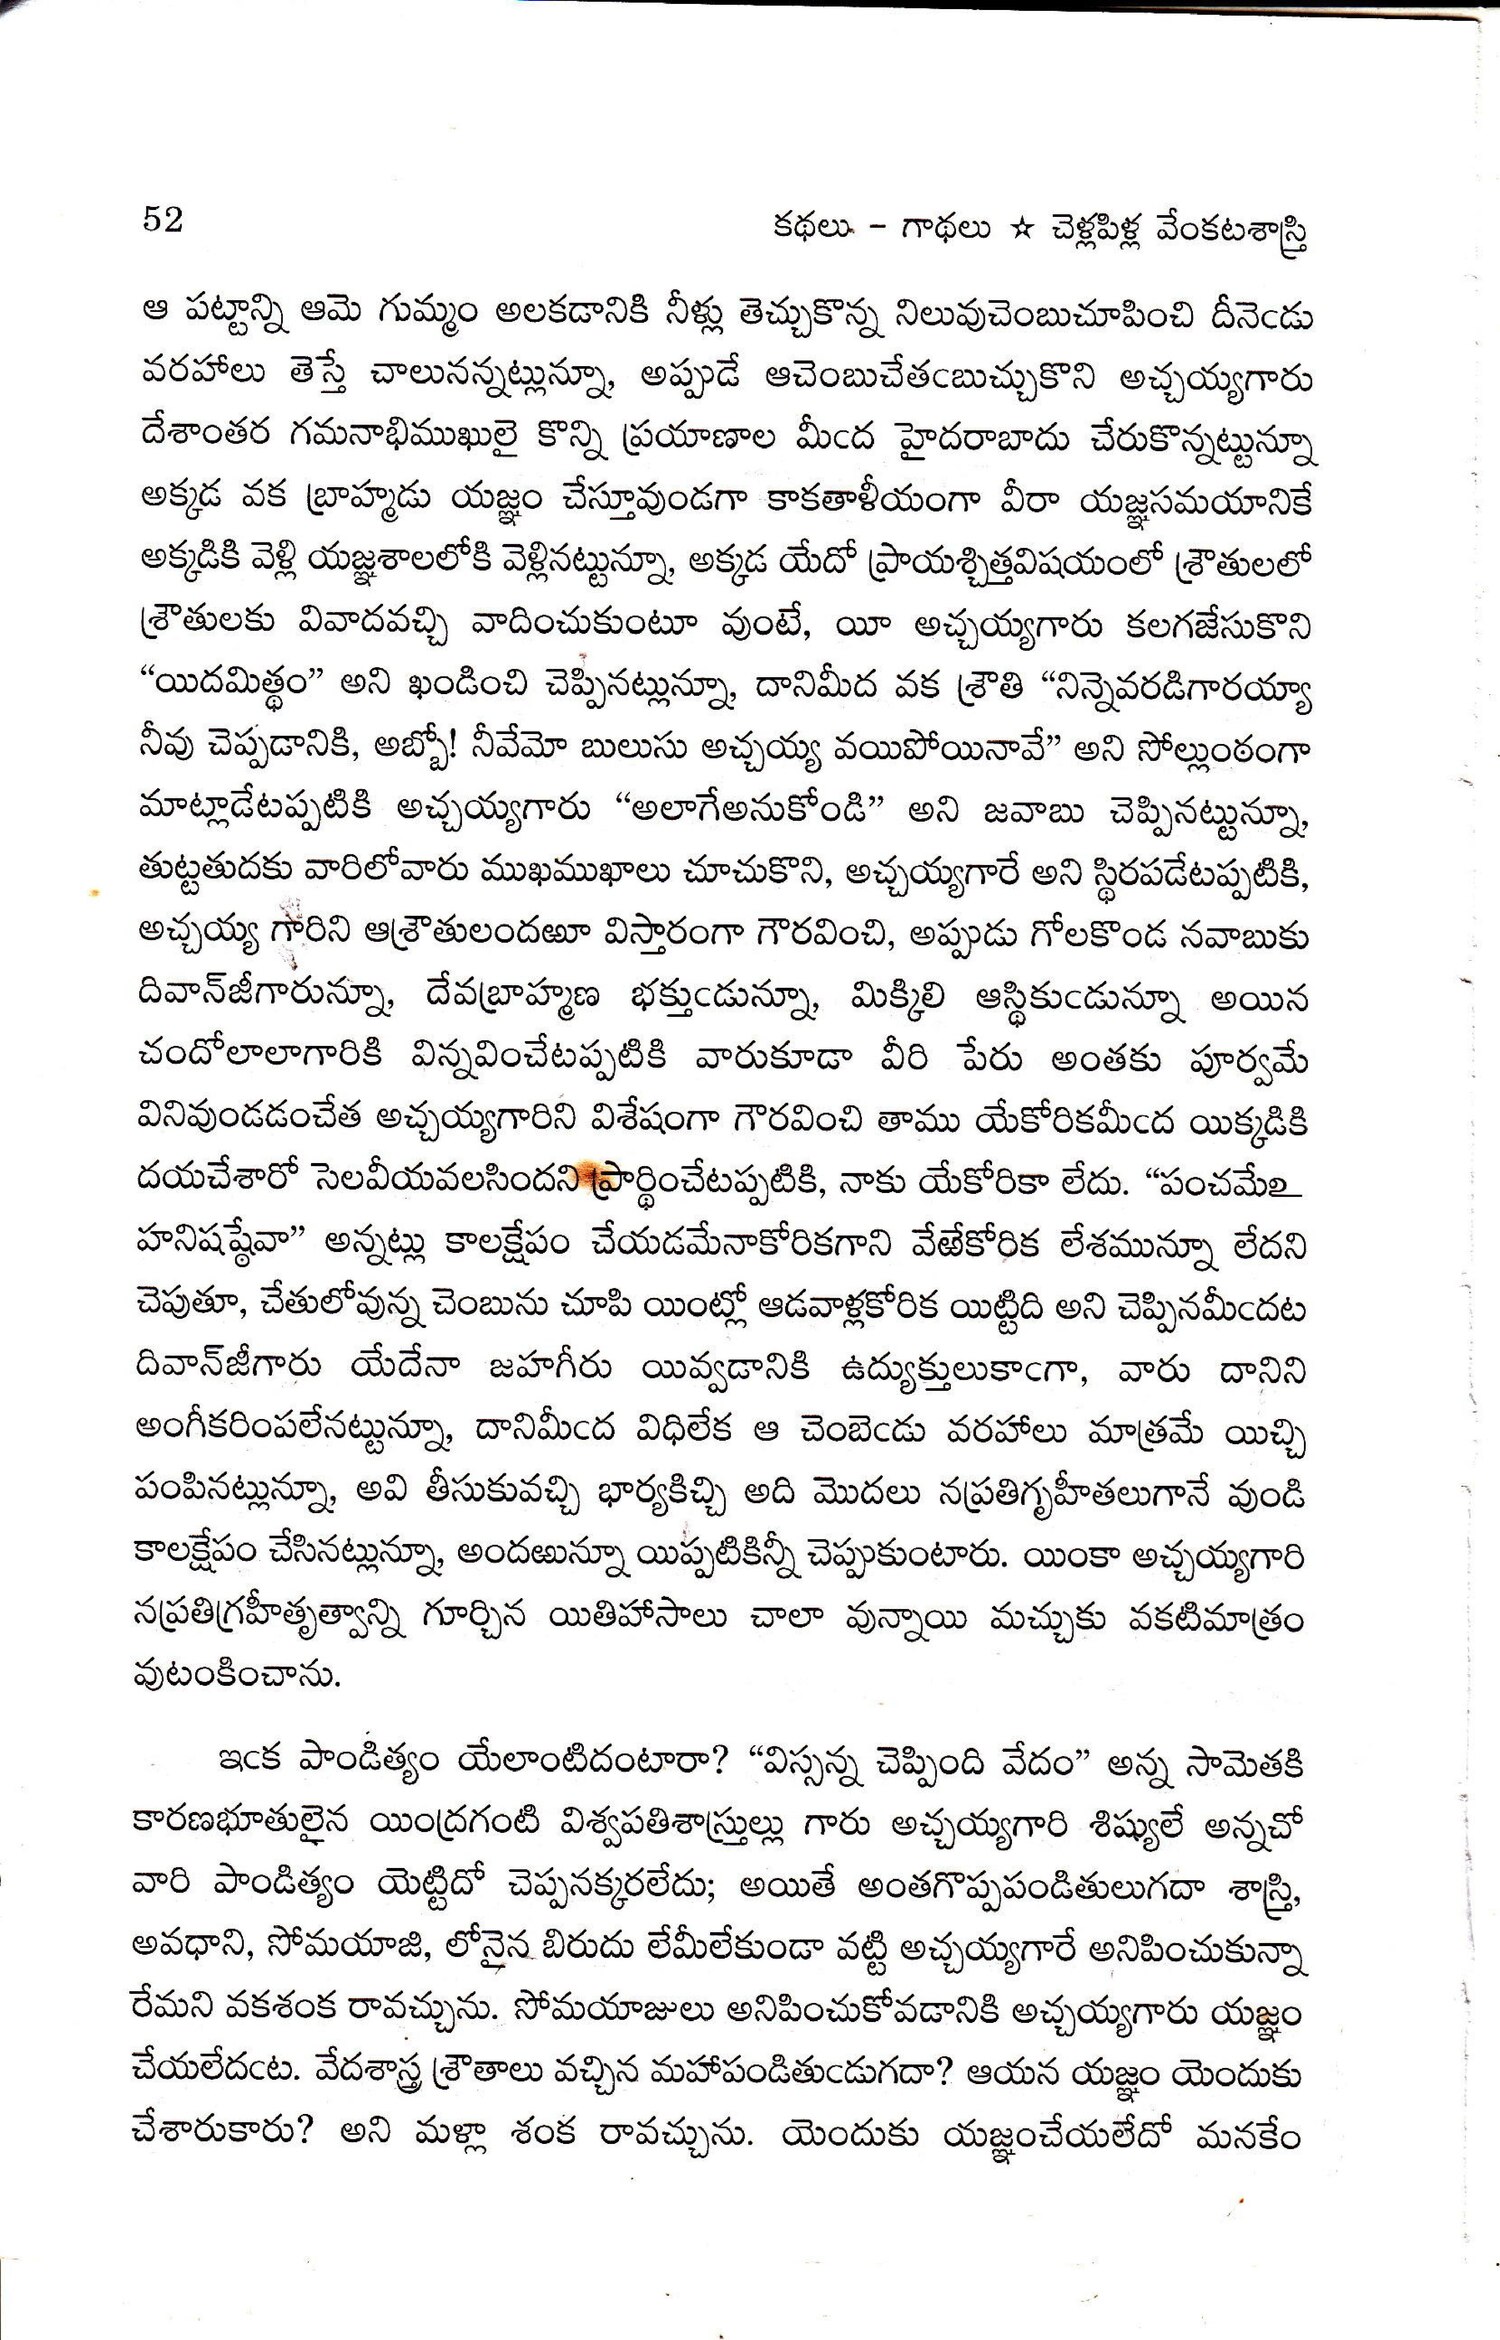ఆ పట్టాన్ని ఆమె గుమ్మం అలకడానికి నీళ్లు తెచ్చుకొన్న నిలువుచెంబుచూపించి దీనెండు వరహాలు తెస్తే చాలునన్నట్లున్నూ, అప్పడే ఆచెంబుచేతcబుచ్చుకొని అచ్చయ్యగారు దేశాంతర గమనాభిముఖులై కొన్ని ప్రయాణాల మీంద హైదరాబాదు చేరుకొన్నట్టున్నూ అక్కడ వక బ్రాహ్మడు యజ్ఞం చేస్తూవుండగా కాకతాళీయంగా వీరా యజ్ఞసమయానికే అక్కడికి వెళ్లి యజ్ఞశాలలోకి వెళ్లినట్టున్నూ అక్కడ యేదో ప్రాయశ్చిత్తవిషయంలో శ్రాతులలో శ్రాతులకు వివాదవచ్చి వాదించుకుంటూ వుంటే, యీ అచ్చయ్యగారు కలగజేసుకొని “యిదమిత్థం" అని ఖండించి చెప్పినట్లున్నూ దానిమీద వక శ్రాతి “నిన్నెవరడిగారయ్యా నీవు చెప్పడానికి, అబ్బో.! నీవేమో బులుసు అచ్చయ్య వయిపోయినావే" అని సోల్లంఠంగా మాట్లాడేటప్పటికి అచ్చయ్యగారు “అలాగేఅనుకోండి" అని జవాబు చెప్పినట్టున్నూ, తుట్టతుదకు వారిలోవారు ముఖముఖాలు చూచుకొని, అచ్చయ్యగారే అని స్థిరపడేటప్పటికి, అచ్చయ్య గారిని ఆశ్రాతులందఱూ విస్తారంగా గౌరవించి, అప్పడు గోలకొండ నవాబుకు దివాన్జీగారున్నూ దేవబ్రాహ్మణ భక్తుఁడున్నూ, మిక్కిలి ఆస్టికుండున్నూ అయిన చందోలాలాగారికి విన్నవించేటప్పటికి వారుకూడా వీరి పేరు అంతకు పూర్వమే వినివుండడంచేత అచ్చయ్యగారిని విశేషంగా గౌరవించి తాము యేకోరికమీంద యిక్కడికి దయచేశారో సెలవీయవలసిందని ప్రార్థించేటప్పటికి, నాకు యేకోరికా లేదు. “పంచమేలి_ హనిషష్లేవా" అన్నట్లు కాలక్షేపం చేయడమేనాకోరికగాని వేటేకోరిక లేశమున్నూ లేదని చెపుతూ, చేతులోవున్న చెంబును చూపి యింట్లో ఆడవాళ్లకోరిక యిట్టిది అని చెప్పినమీందట దివాన్జీగారు యేదేనా జహగీరు యివ్వడానికి ఉద్యుక్తులుకాంగా, వారు దానిని అంగీకరింపలేనట్టున్నూ, దానిమీంద విధిలేక ఆ చెంబెండు వరహాలు మాత్రమే యిచ్చి పంపినట్లున్నూ, అవి తీసుకువచ్చి భార్యకిచ్చి అది మొదలు నప్రతిగృహీతలుగానే వుండి కాలక్షేపం చేసినట్లున్నూ, అందఱున్నూ యిప్పటికిన్నీ చెప్పకుంటారు. యింకా అచ్చయ్యగారి నప్రతిగ్రహీతృత్వాన్ని గూర్చిన యితిహాసాలు చాలా వున్నాయి మచ్చుకు వకటిమాత్రం వుటంకించాను.

ఇCక పాండిత్యం యేలాంటిదంటారా? “విస్సన్న చెప్పింది వేదం" అన్న సామెతకి కారణభూతులైన యింద్రగంటి విశ్వపతిశాస్రుల్లు గారు అచ్చయ్యగారి శిష్యులే అన్నచో వారి పాండిత్యం యెట్టిదో చెప్పనక్కరలేదు; అయితే అంతగొప్పపండితులుగదా శాస్త్రి, అవధాని, సోమయాజి, లోనైన బిరుదు లేమీలేకుండా వట్టి అచ్చయ్యగారే అనిపించుకున్నా రేమని వకశంకరావచ్చును. సోమయాజులు అనిపించుకోవడానికి అచ్చయ్యగారు యజ్ఞం చేయలేదంట. వేదశాస్త్ర శ్రాతాలు వచ్చిన మహాపండితుండుగదా? ఆయన యజ్ఞం యెందుకు చేశారుకారు? అని మళ్లా శంక రావచ్చును. యెందుకు యజ్ఞంచేయలేదో మనకేం